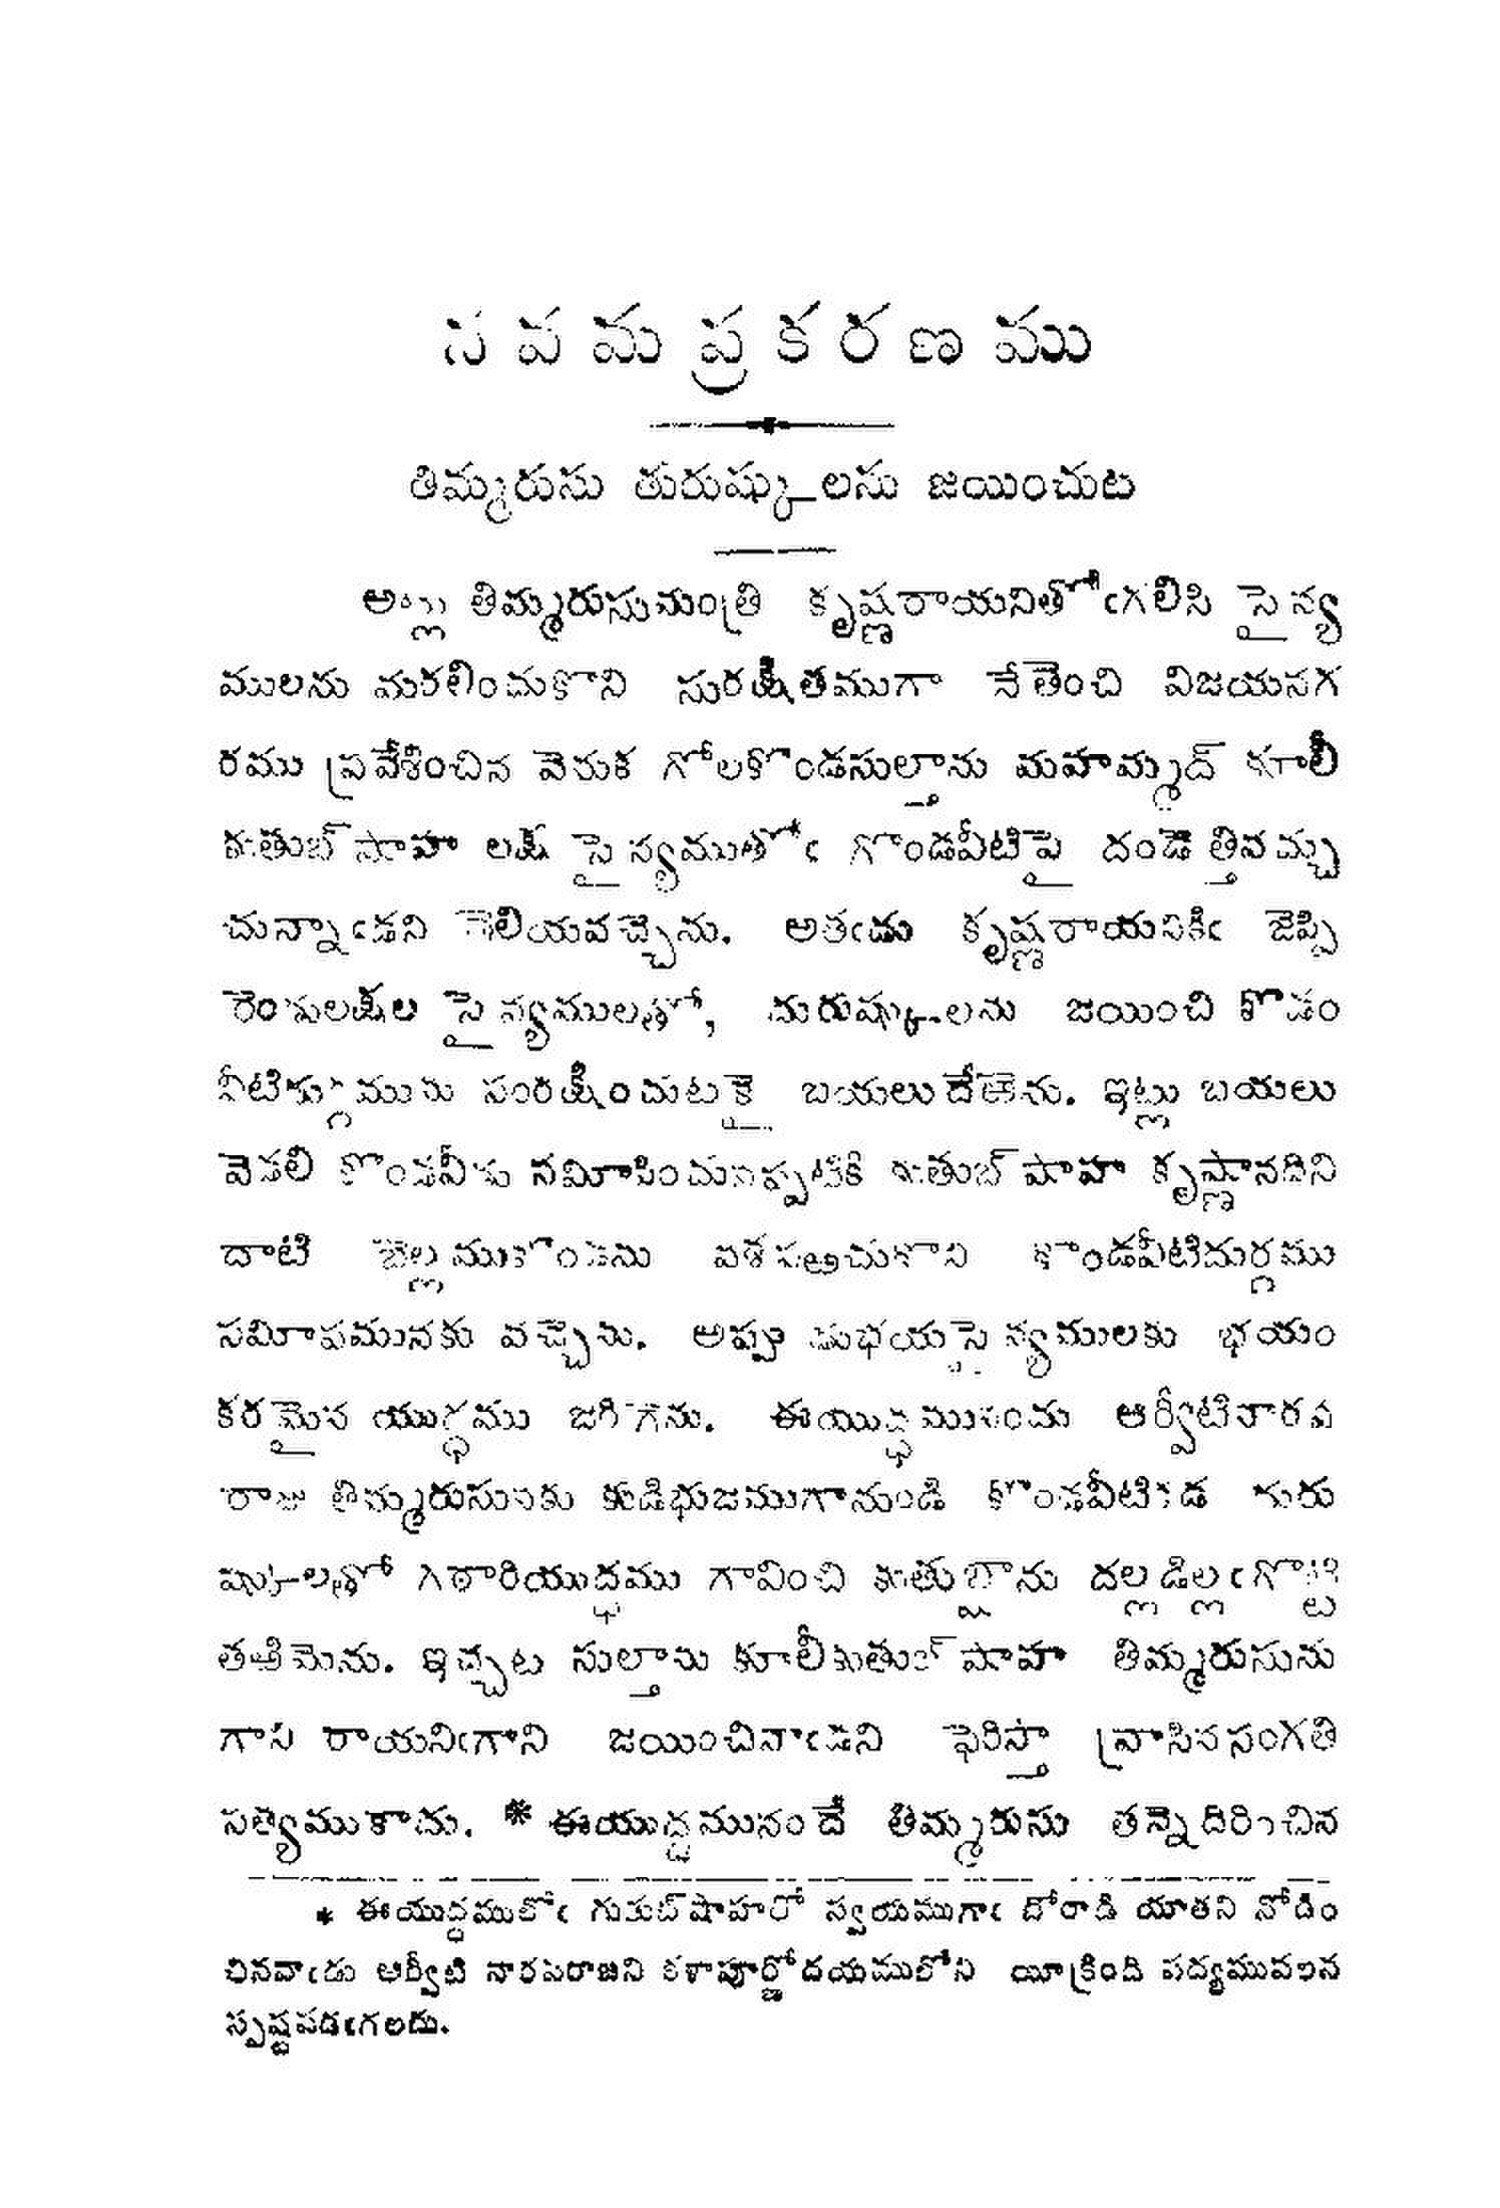నవమ ప్రకరణము 
తిమ్మరుసు తురుష్కులను జయించుట

అట్లు తిమ్మరుసుమంత్రి కృష్ణరాయనితోఁగలిసి సైన్యములను మరలించుకొని సురక్షితముగా నేతెంచి విజయనగరము ప్రవేశించిన వెనుక గోలకొండసుల్తాను మహమ్మద్ కూలీకుతుబ్‌షాహ లక్ష సైన్యముతో గొండవీటిపై దండెత్తివచ్చు చున్నాఁడని తెలియవచ్చెను. అతఁడు కృష్ణరాయనికి జెప్పి రెండులక్షల సైన్యములతో, దురుష్కులను జయించి కొండవీటిదుర్గముసు సంరక్షించుటకై బయలుదేఱెను. ఇట్లు బయలు వెడలి కొండవీడు సమీపించునప్పటికి కుతుబ్‌షాహ కృష్ణానదిని దాటి బెల్లముకొండను వశపఱచుకొని కొండవీటిదుర్గము సమీపమునకు వచ్చెను. అప్పు డుభయ సైన్యములకు భయంకరమైన యుధ్ధము జరిగెను. ఈయుద్ధమునందు ఆర్వీటినారపరాజు త్రిమ్మరుసునకు కుడిభుజముగానుండి కొండవీటికడ దురుష్కులతో గఠారియుధము గావించి కుత్బుషాను దల్లడిల్లఁగొట్టి తఱిమెను. ఇచ్చట సుల్తాను కూలీకుతుబ్‌షాహ తిమ్మరుసును గాని రాయనిఁగాని జయించినాఁడని ఫెరిస్తా వ్రాసినసంగతి సత్యముకాదు. ఈయుద్ధమునందే తిమ్మరుసు తన్నెదిరించిన